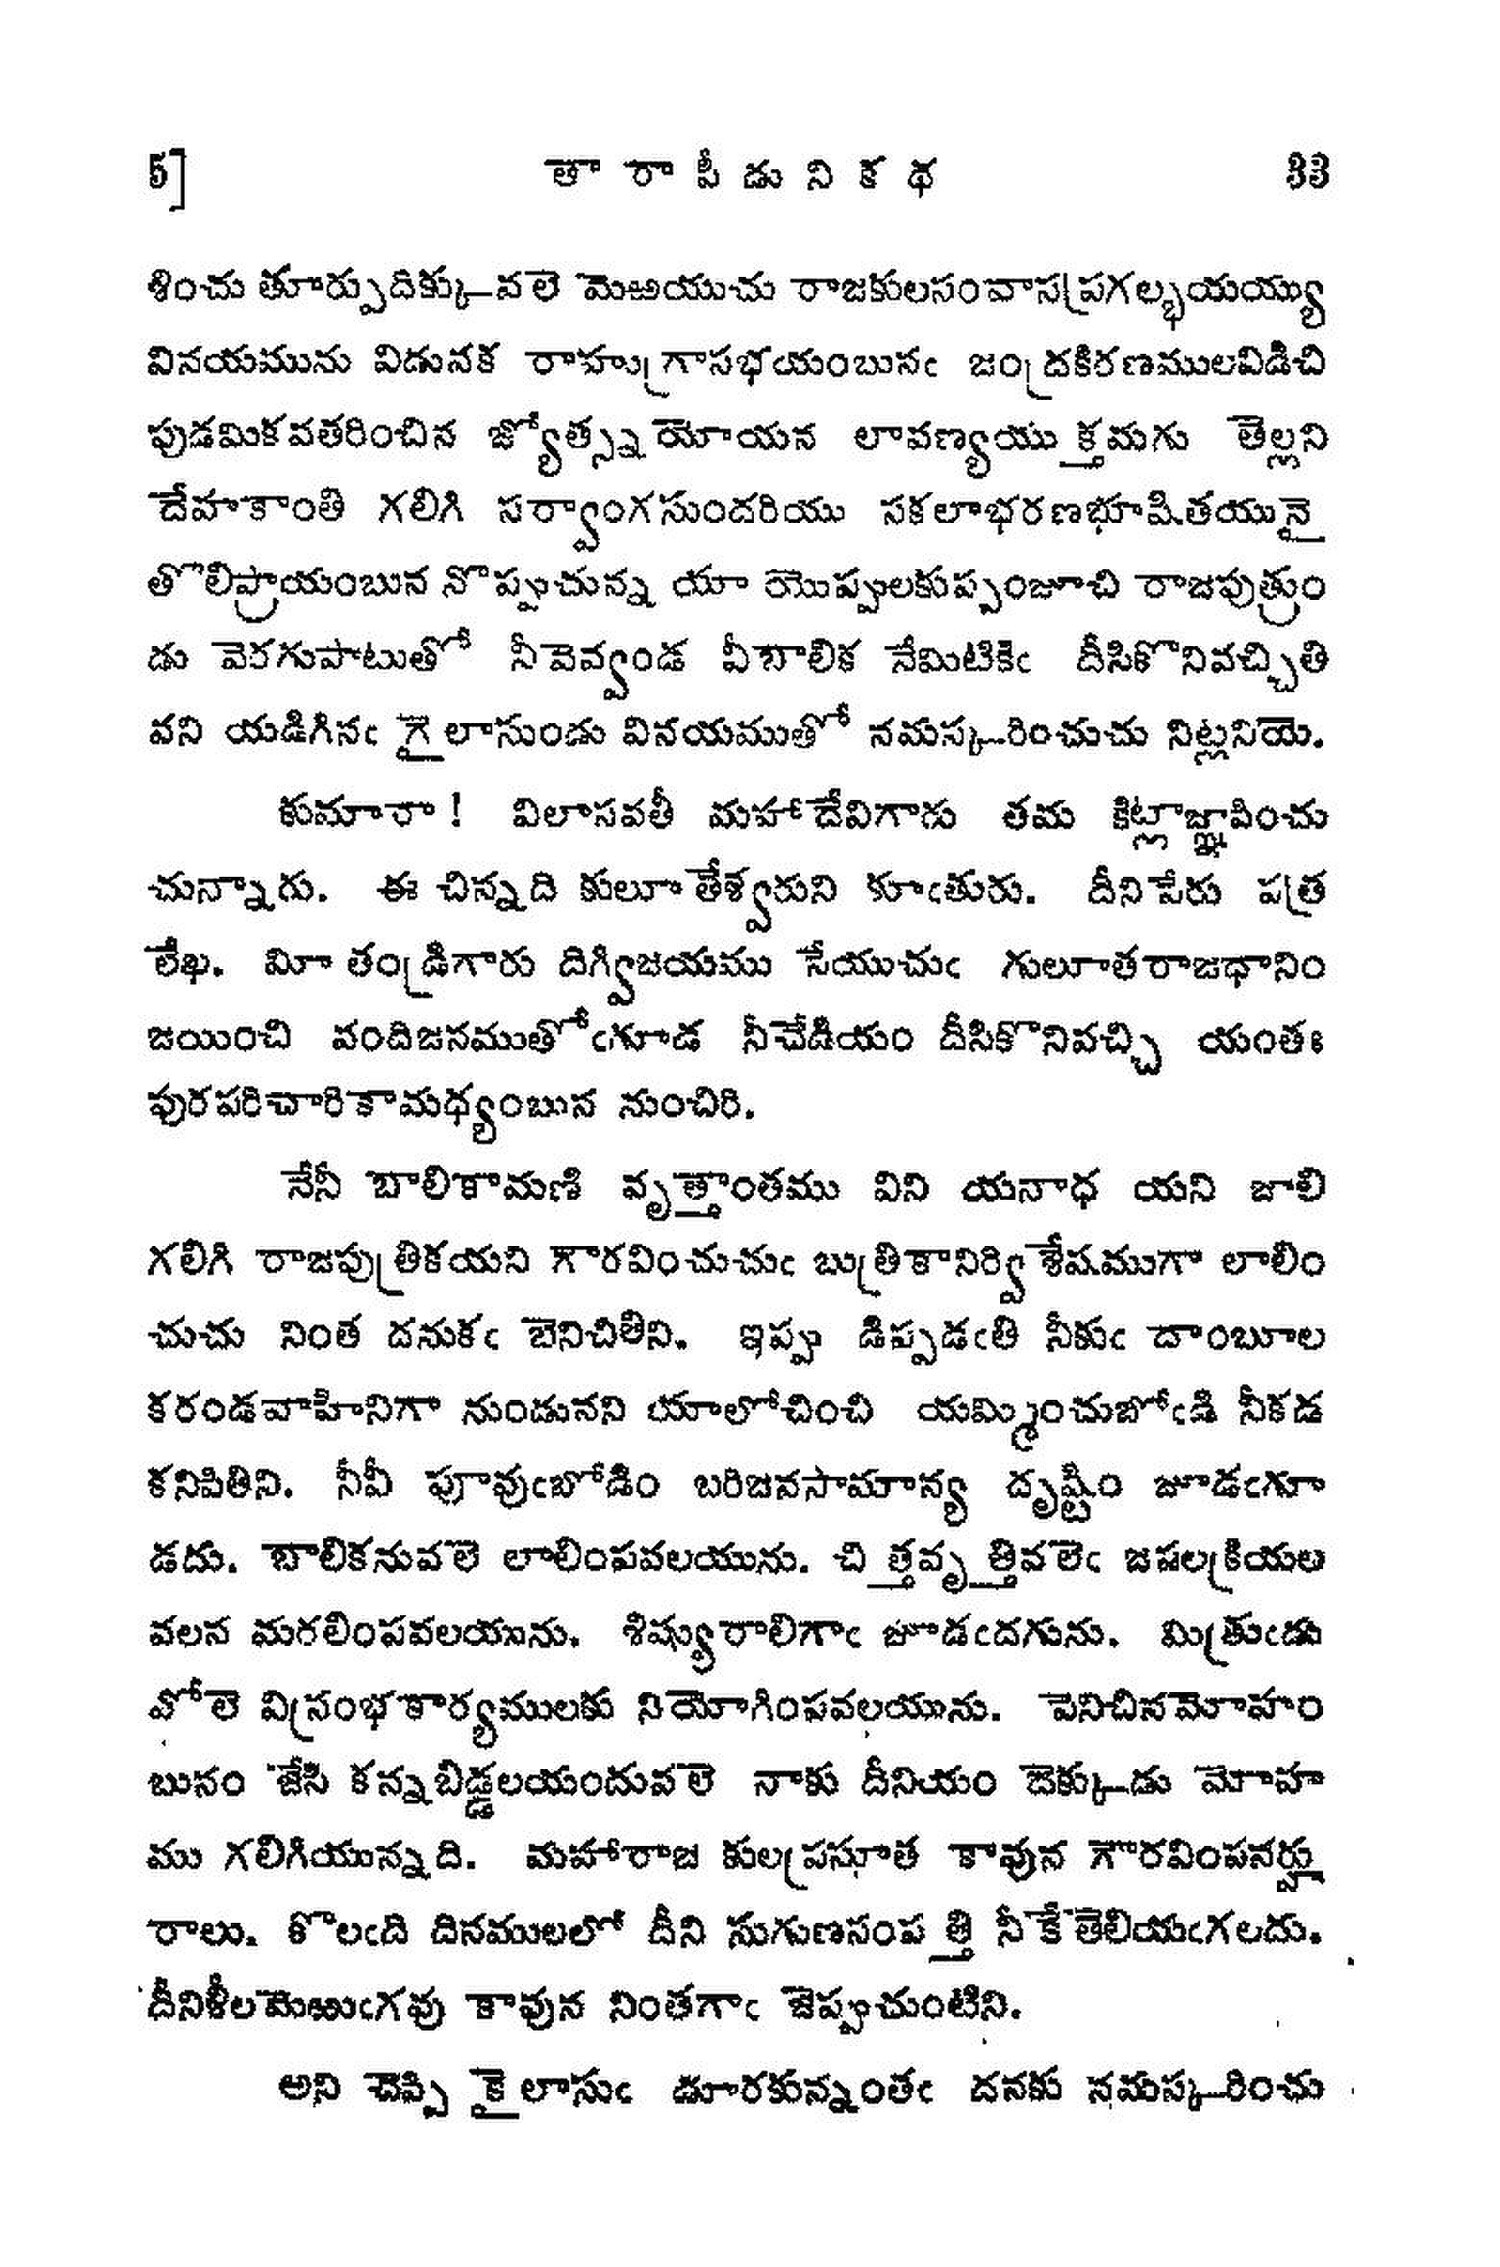శించు తూర్పుదిక్కువలె మెఱయుచు రాజకులసంవాసప్రగల్భయయ్యు వినయమును విడువక రాహుగ్రాసభయంబునఁ జంద్రకిరణములవిడిచి పుడమికవతరించిన జ్యోత్స్నయోయన లావణ్యయుక్తమగు తెల్లని దేహకాంతి గలిగి సర్వాంగసుందరియు సకలాభరణభూషితయునై తొలిప్రాయంబున నొప్పుచున్న యా యొప్పులకుప్పంజూచి రాజపుత్రండు వెరగుపాటుతో నీవెవ్వండ వీబాలిక నేమిటికిఁ దీసికొనివచ్చితివని యడిగినఁ గైలాసుండు వినయముతో నమస్కరించుచు నిట్లనియె.

కుమారా! విలాసవతీ మహాదేవిగారు తమ కిట్లాజ్ఞాపించుచున్నారు. ఈ చిన్నది కులూ తేశ్వరుని కూఁతురు. దీనిపేరు పత్రలేఖ. మీ తండ్రిగారు దిగ్విజయము సేయుచుఁ గులూతరాజధానిం జయించి వందిజనముతోఁగూడ నీచేడియం దీసికొనివచ్చి యంతఃపురపరిచారికామధ్యంబున నుంచిరి.

నేనీ బాలికామణి వృత్తాంతము విని యనాధ యని జాలి గలిగి రాజపుత్రికయని గౌరవించుచుఁ బుత్రికానిర్విశేషముగా లాలించుచు నింత దనుకఁ బెనిచితిని. ఇప్పు డిప్పడఁతి నీకుఁ దాంబూల కరండవాహినిగా నుండునని యాలోచించి యమ్మించుబోఁడి నీకడ కనిపితిని. నీవీ పూవుఁబోడిం బరిజనసామాన్య దృష్టిం జూడఁగూడదు. బాలికనువలె లాలింపవలయును. చిత్తవృత్తివలెఁ జపలక్రియల వలన మరలింపవలయును. శిష్యురాలిగాఁ జూడఁదగును. మిత్రుఁడువోలె విస్రంభకార్యములకు నియోగింపవలయును. పెనిచినమోహంబునం జేసి కన్నబిడ్డలయందువలె నాకు దీనియం దెక్కుడు మోహము గలిగియున్నది. మహారాజ కులప్రసూత కావున గౌరవింపనర్హురాలు. కొలఁది దినములలో దీని సుగుణసంపత్తి నీకేతెలియఁగలదు. దీనిశీలమెఱుఁగవు కావున నింతగాఁ జెప్పుచుంటిని.

అని చెప్పి కైలాసుఁ డూరకున్నంతఁ దనకు నమస్కరించు